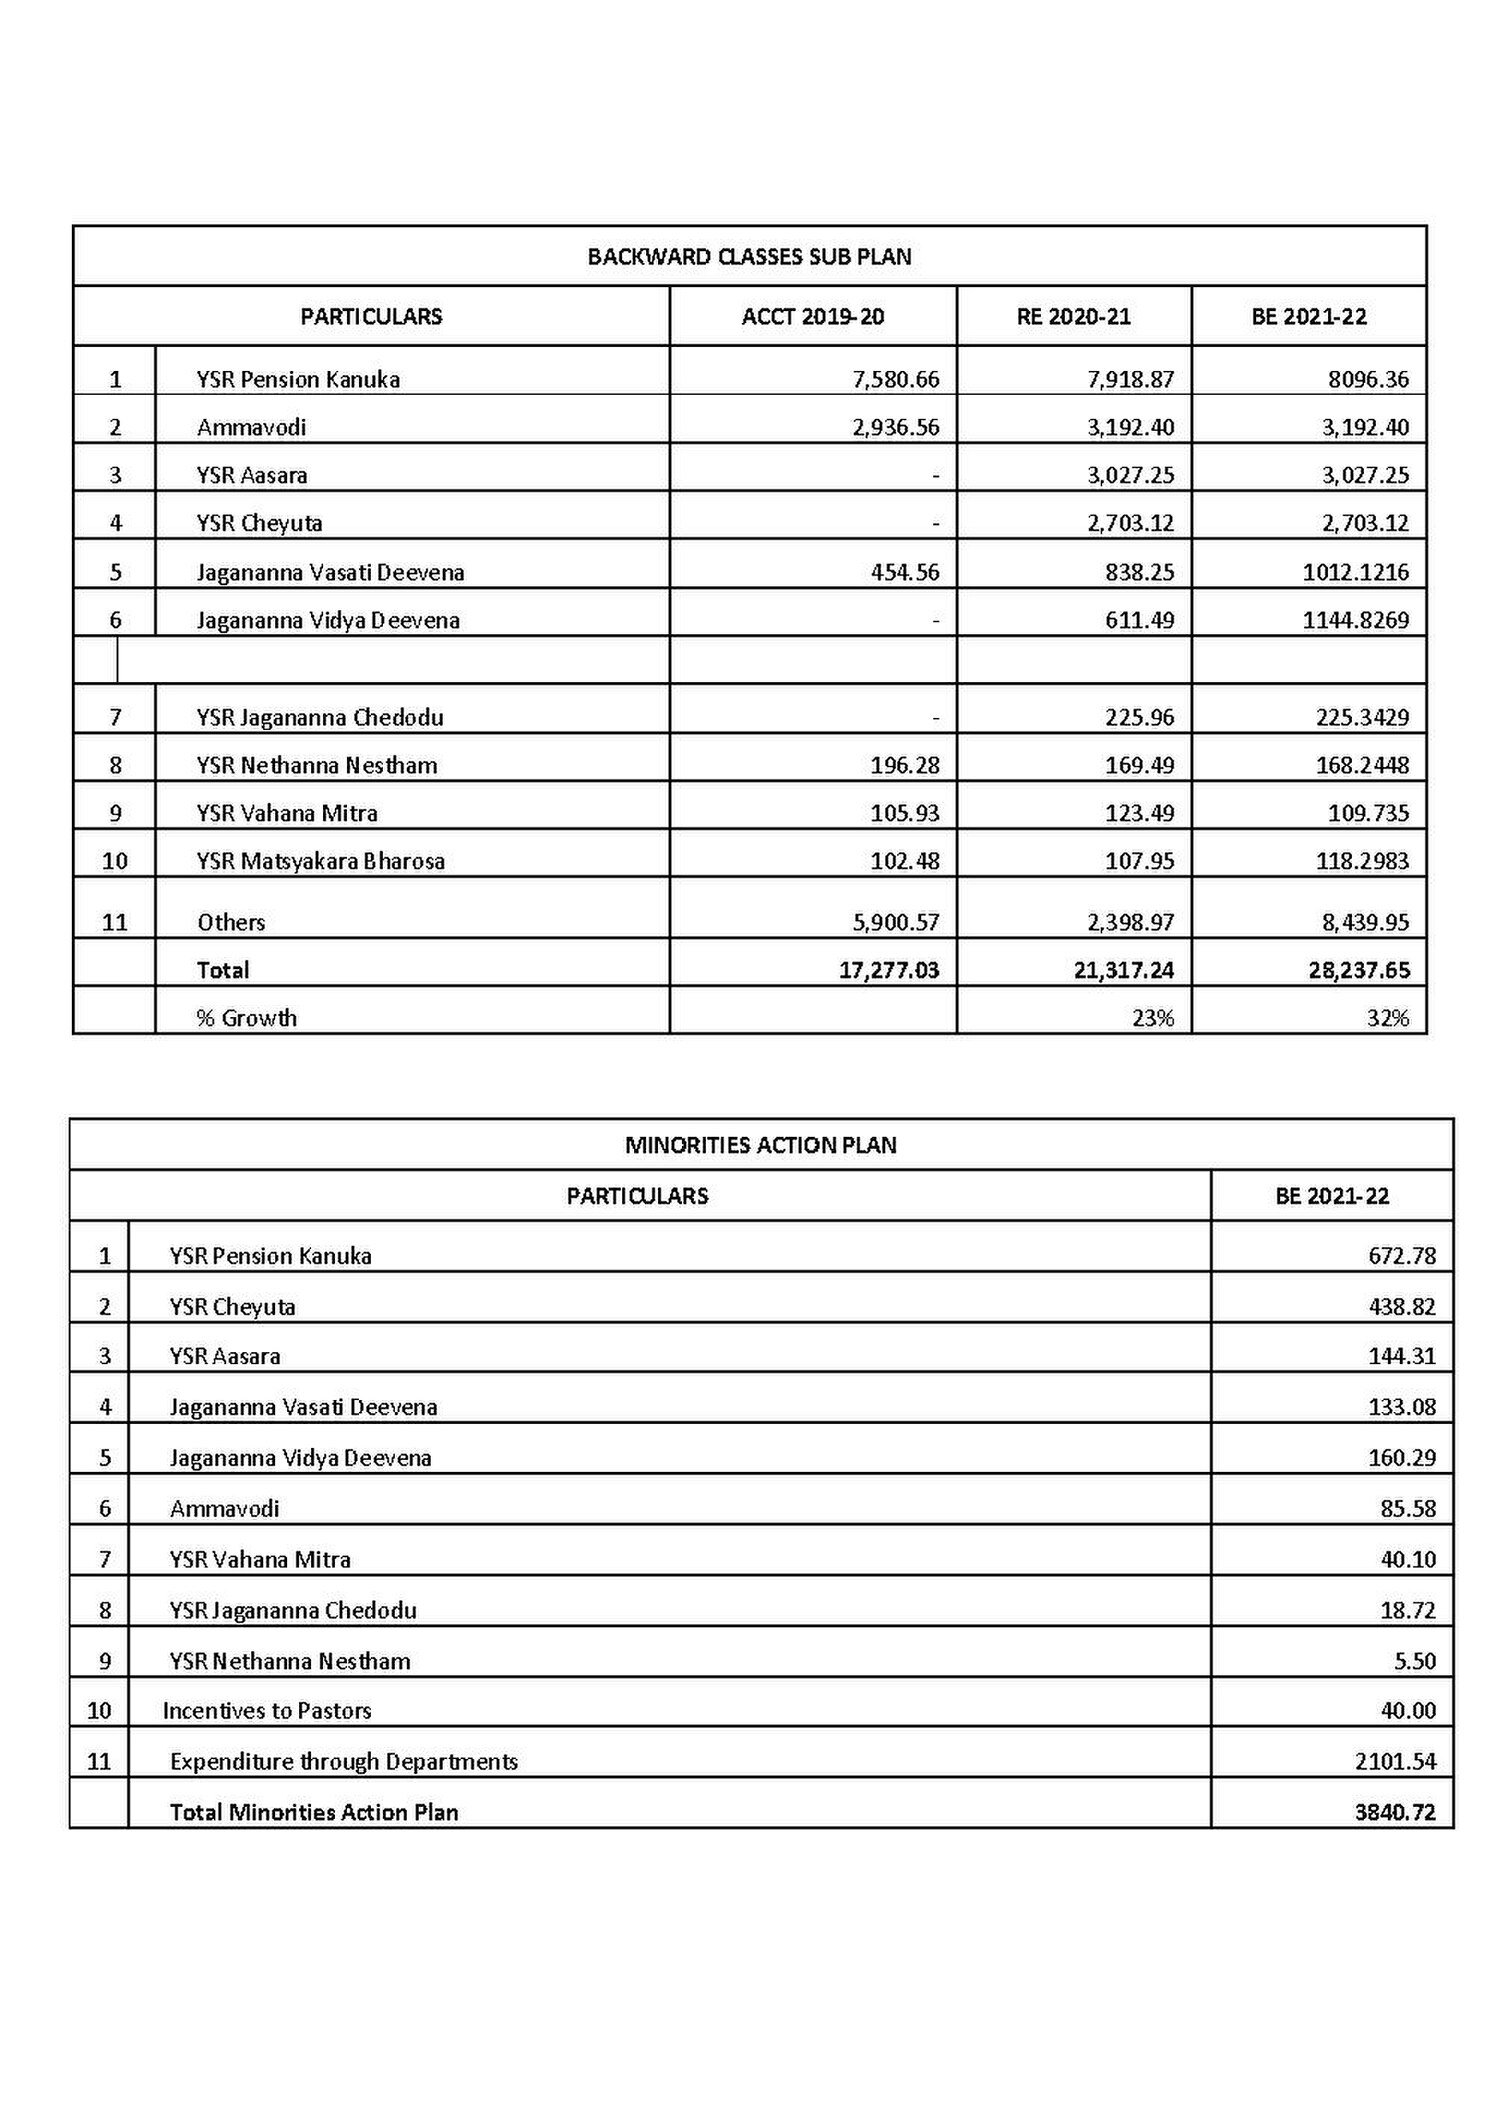BACKWARD CLASSES SUB PLAN PARTICULARS ACCT 2019­20 RE 2020­21 BE 2021­22 1 YSR Pension Kanuka 7,580.66 7,918.87 8096.36 2 Ammavodi 2,936.56 3,192.40 3,192.40 3 YSR Aasara ­ 3,027.25 3,027.25 4 YSR Cheyuta ­ 2,703.12 2,703.12 5 Jagananna Vasati Deevena 454.56 838.25 1012.1216 6 Jagananna Vidya Deevena ­ 611.49 1144.8269 7 YSR Jagananna Chedodu ­ 225.96 225.3429 8 YSR Nethanna Nestham 196.28 169.49 168.2448 9 YSR Vahana Mitra 105.93 123.49 109.735 10 YSR Matsyakara Bharosa 102.48 107.95 118.2983 11 Others 5,900.57 2,398.97 8,439.95 Total 17,277.03 21,317.24 28,237.65 % Growth 23% 32%

 MINORITIES ACTION PLAN PARTICULARS BE 2021-­22 1 YSR Pension Kanuka 672.78 2 YSR Cheyuta 438.82 3 YSR Aasara 144.31 4 Jagananna Vasati Deevena 133.08 5 Jagananna Vidya Deevena 160.29 6 Ammavodi 85.58 7 YSR Vahana Mitra 40.10 8 YSR Jagananna Chedodu 18.72 9 YSR Nethanna Nestham 5.50 10 Incentives to Pastors 40.00 11 Expenditure through Departments 2101.54 Total Minorities Action Plan 3840.72